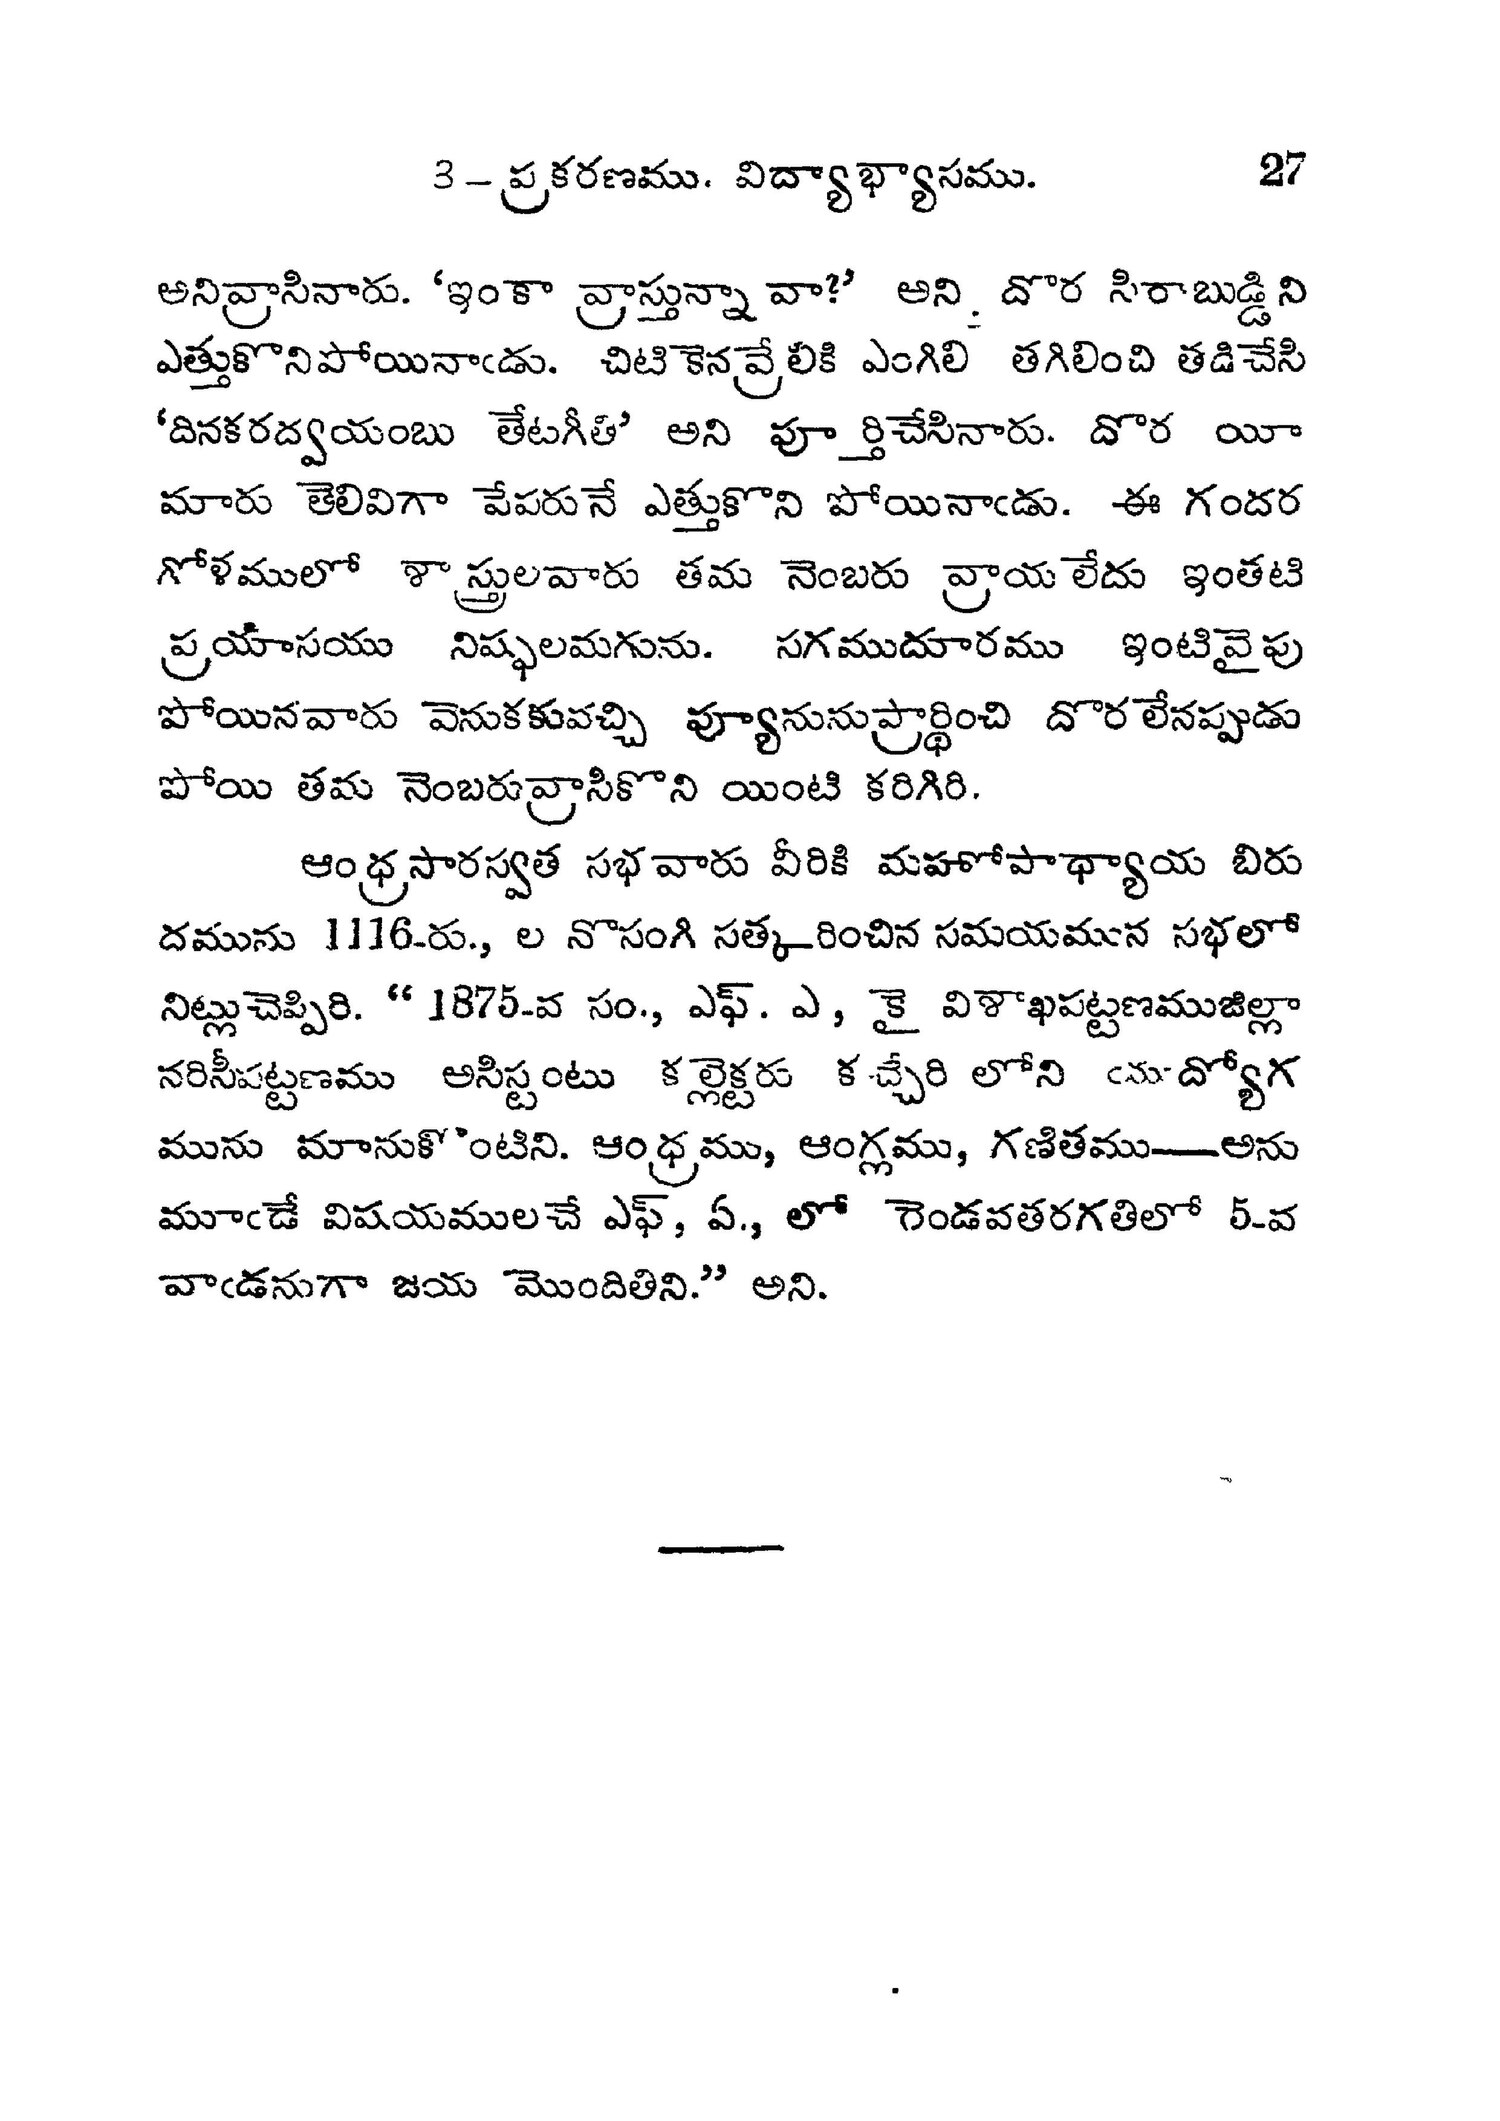అనివ్రాసినారు. 'ఇంకా వ్రాస్తున్నావా?' అని దొర సిరాబుడ్డిని ఎత్తుకొని పోయినాడు. చిటికెనవ్రేలికి ఎంగిలి తగిలించి తడిచేసి 'దినకరద్వయంబు తేటగీతి' అని పూర్తిచేసినారు. దొర యీ మారు తెలివిగా పేపరునే ఎత్తుకొని పోయినాడు. ఈ గందర గోళములో శాస్త్రులవారు తమ నెంబరు వ్రాయలేదు ఇంతటి ప్రయాసము నిష్ఫలమగును. సగముదూరము ఇంటివైపు పోయినవారు వెనుకకువచ్చి ప్యూనునుప్రార్థించి దొరలేనప్పుడు పోయి తమ నెంబరువ్రాసికొని యింటి కరిగిరి.

ఆంధ్రసారస్వత సభవారు వీరికి మహోపాధ్యాయ బిరుదమును 1116 రు., ల నొసంగి సత్కరించిన సమయమున సభలో నిట్లుచెప్పిరి. '1875 వ సం., ఎఫ్.ఎ, కై విశాఖపట్టణముజిల్లా నరిసీపట్టణము అసిస్టంటు కల్లెక్టరు కచ్చేరి లోని యుద్యోగమును మానుకొంటిని. ఆంధ్రము, ఆంగ్లము, గణితము - అను మూడే విషయములచే ఎఫ్, ఏ., లో రెండవతరగతిలో 5 వ వాడనుగా జయ మొందితిని." అని.

_________